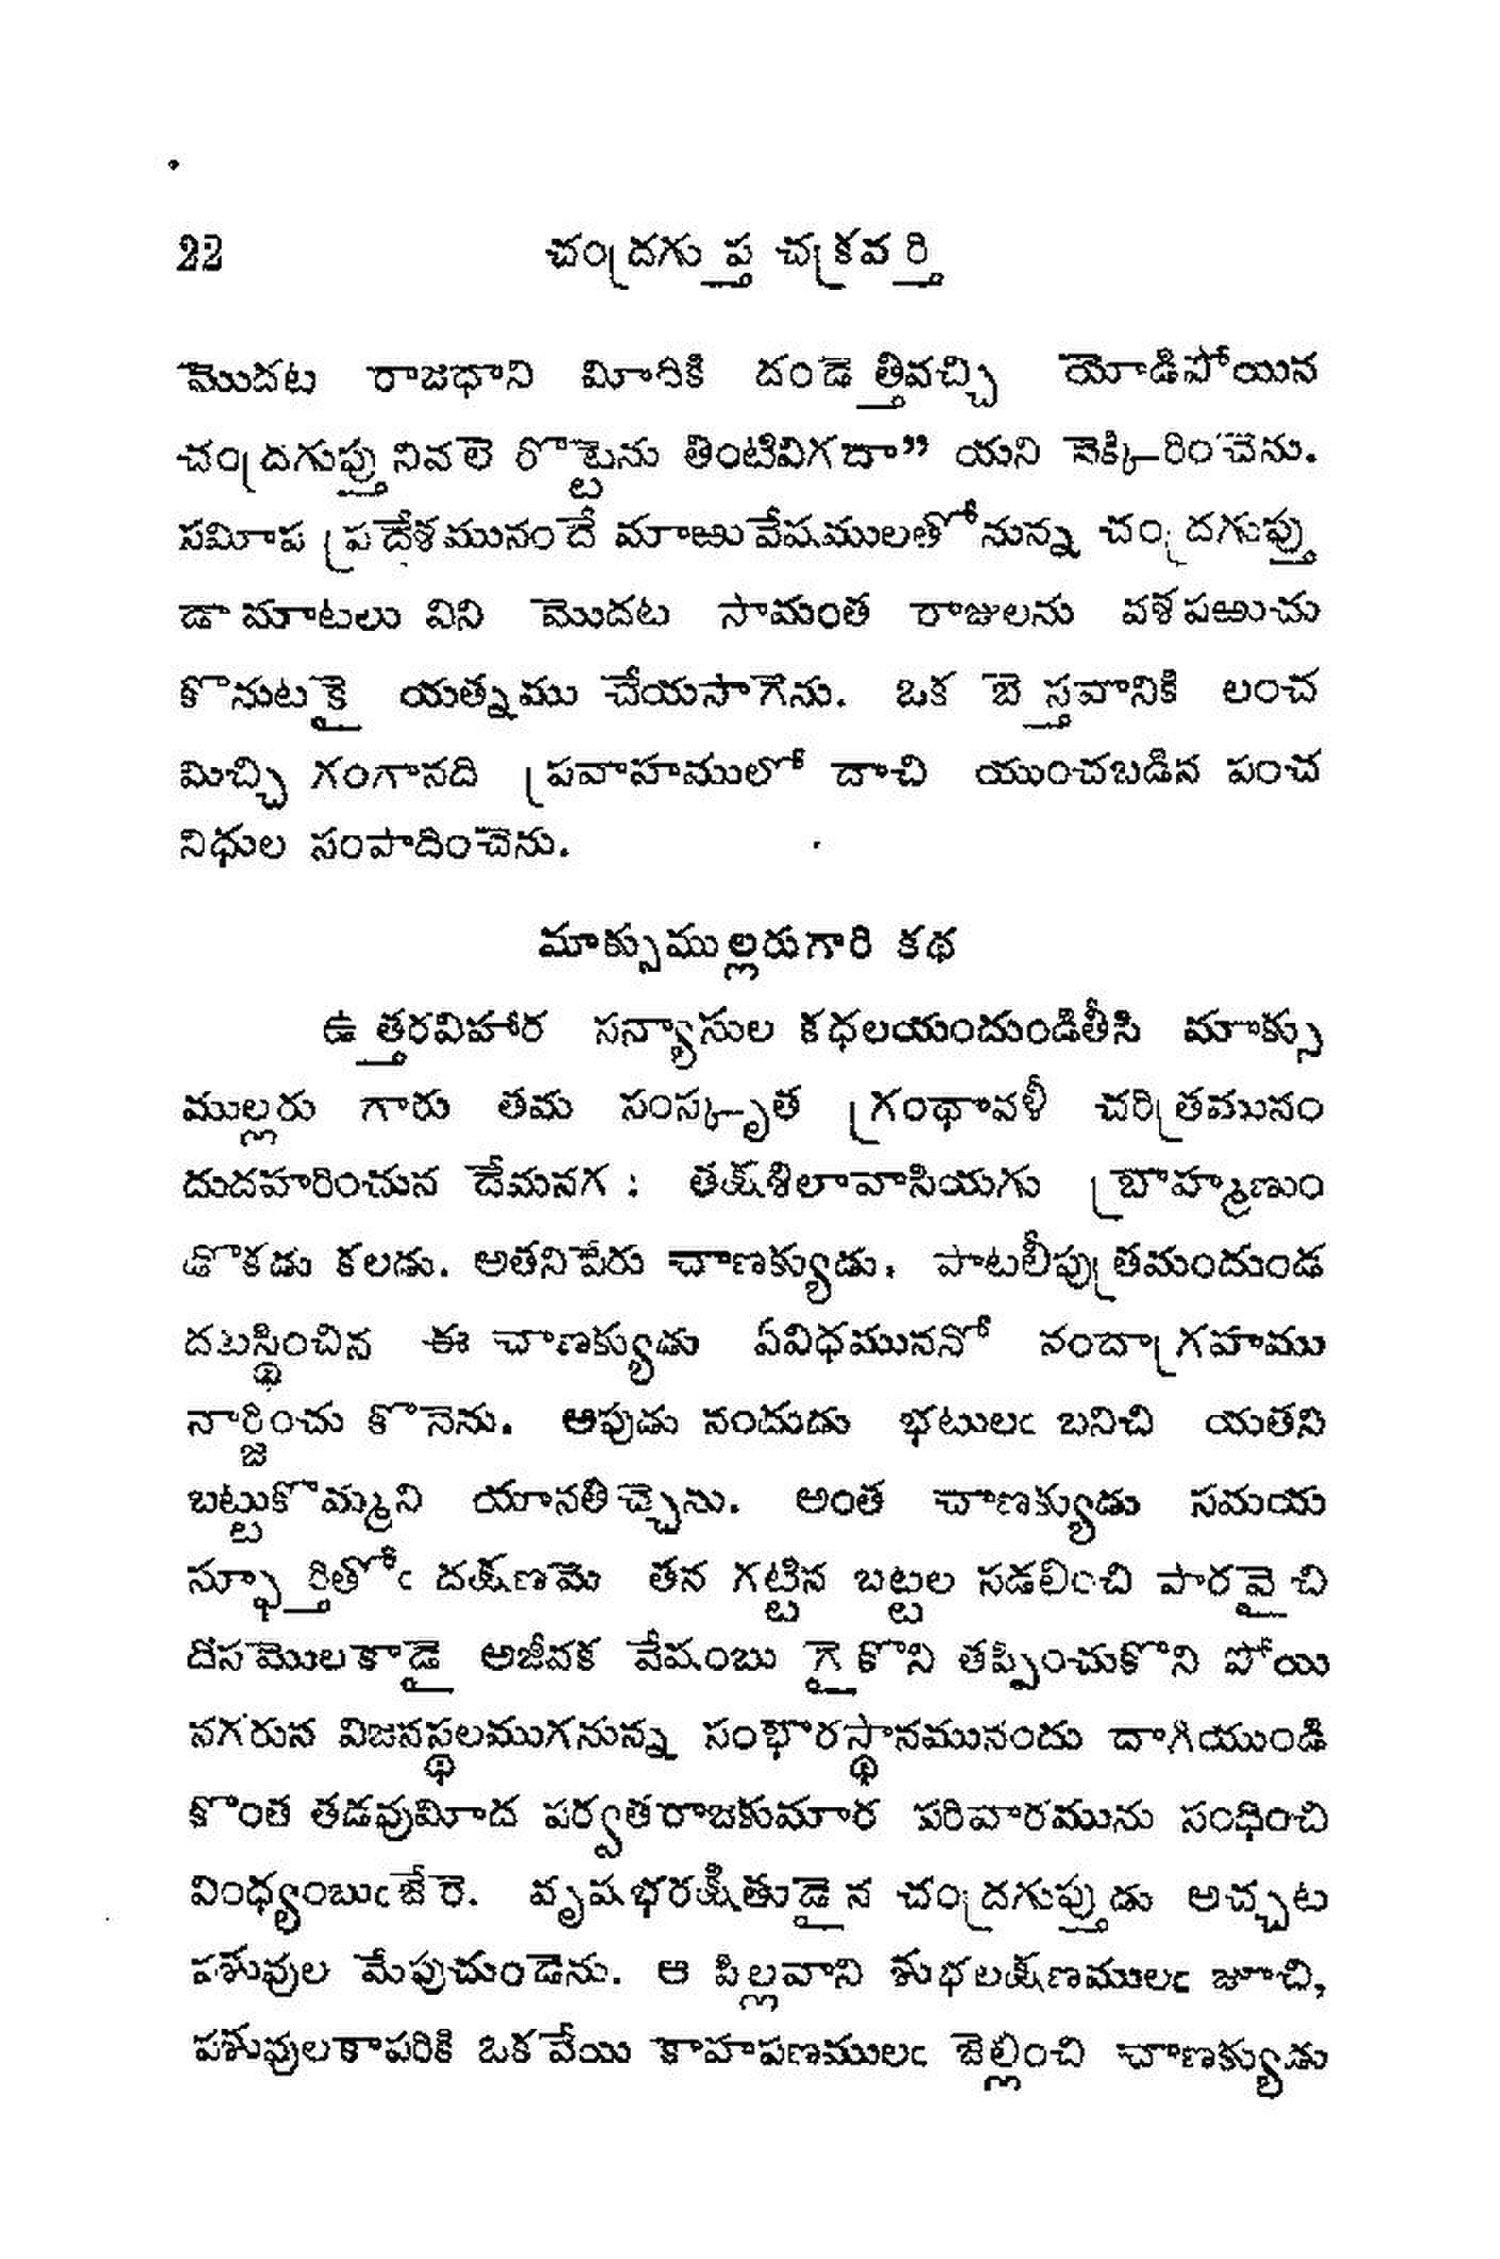మొదట రాజధాని మీదికి దండెత్తివచ్చి యోడిపోయిన చంద్రగుప్తునివలె రొట్టెను తింటివిగదా" యని వెక్కిరించెను. సమీప ప్రదేశమునందే మాఱువేషములతోనున్న చంద్రగుప్తు డా మాటలు విని మొదట సామంత రాజులను వశపఱుచు కొనుటకై యత్నము చేయసాగెను. ఒక బెస్తవానికి లంచమిచ్చి గంగానది ప్రవాహములో దాచి యుంచబడిన పంచనిధుల సంపాదించెను.

మాక్సు ముల్లరుగారి కథ

ఉత్తరవిహార సన్యాసుల కథలయందుండితీసి మాక్సు ముల్లరు గారు తమ సంస్కృత గ్రంథావళీ చరిత్రమునం దుదహరించున దేమనగ : తక్షశిలావాసియగు బ్రాహ్మణుండొకడు కలడు. అతనిపేరు చాణక్యుడు. పాటలీపుత్రమందుండ దటస్థించిన ఈ చాణక్యుడు ఏవిధముననో నందాగ్రహము నార్జించు కొనెను. అపుడు నందుడు భటులఁ బనిచి యతని బట్టుకొమ్మని యానతిచ్చెను. అంత చాణక్యుడు సమయస్ఫూర్తితోఁ దక్షణమె తన గట్టిన బట్టల సడలించి పారవైచి దిసమొలకాడై అజీవక వేషంబు గైకొని తప్పించుకొని పోయి నగరున విజనస్థలముగనున్న సంభారస్థానమునందు దాగియుండి కొంత తడవుమీద పర్వతరాజకుమార పరివారమును సంధించి వింధ్యంబుఁజేరె. వృషభరక్షితుడైన చంద్రగుప్తుడు అచ్చట పశువుల మేపుచుండెను. ఆ పిల్లవాని శుభలక్షణములఁ జూచి, పశువులకాపరికి ఒకవేయి కాహపణములఁ జెల్లించి చాణక్యుడు